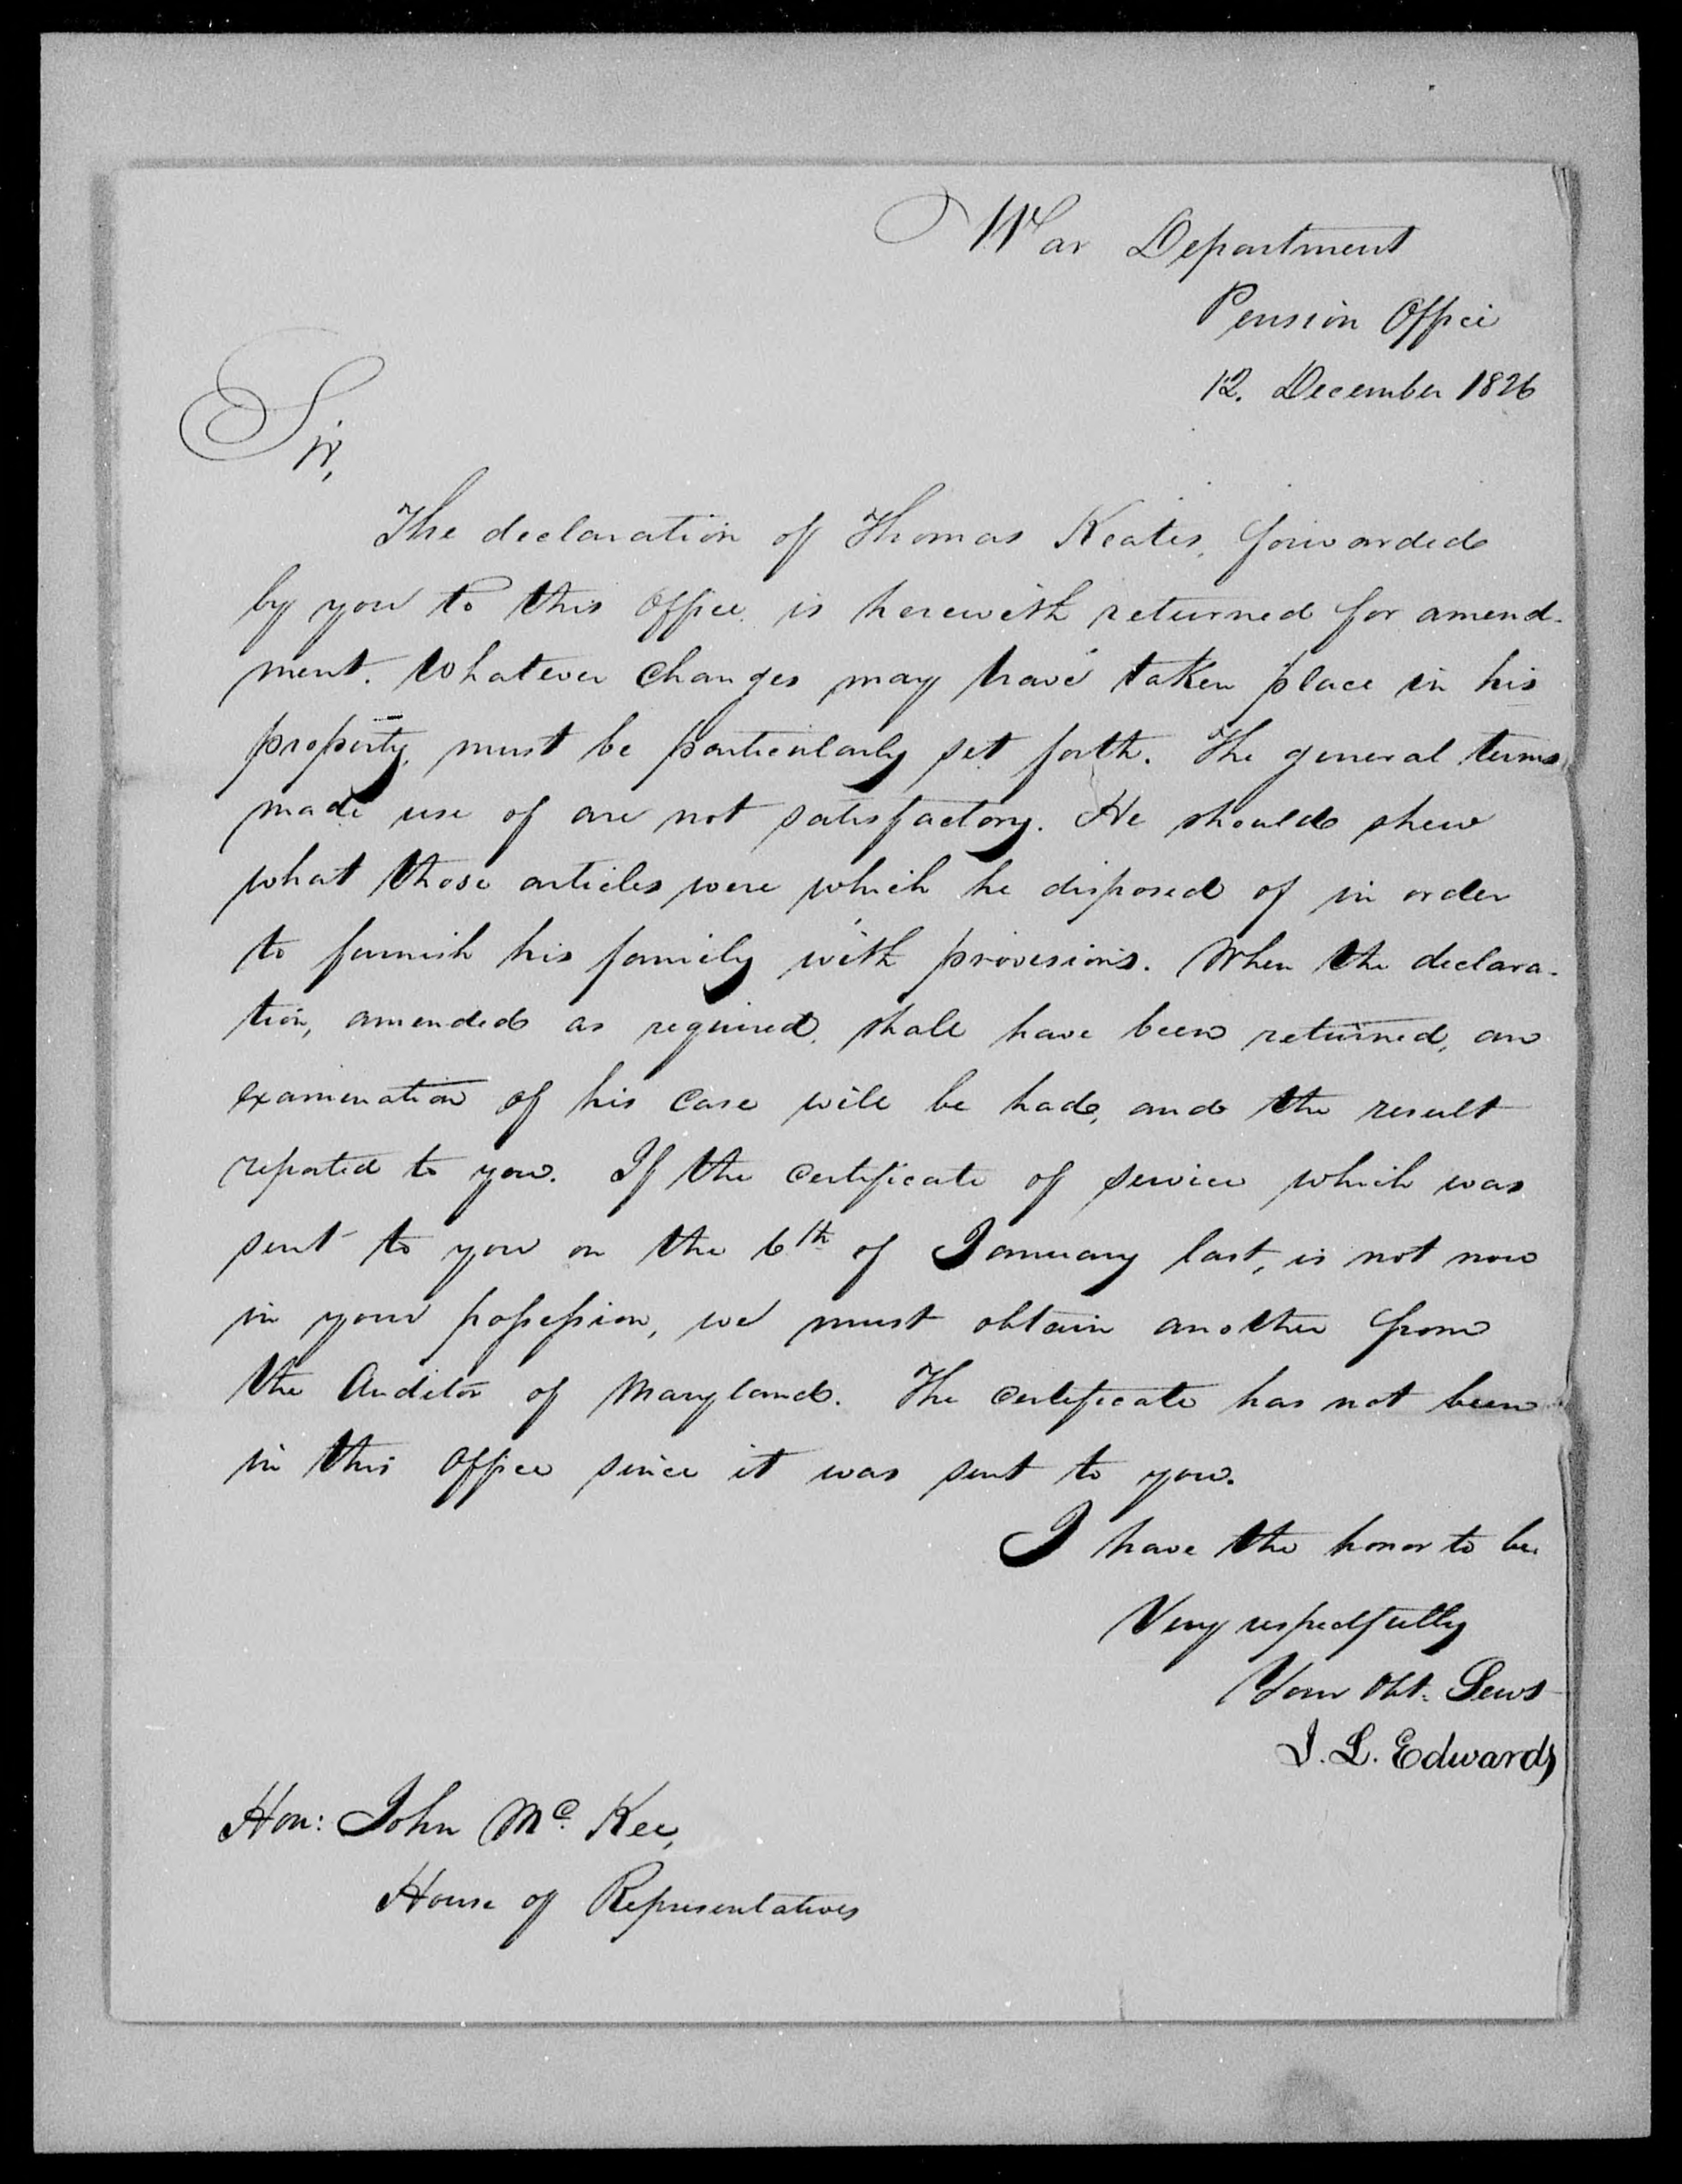War Department
Pension Office
12 December 1826

Sir,
The declaration of Thomas Keates, forwarded
by you to this office is herewith returned for amend-
ment.  Whatever changes may have taken place in his
property must be particularly set forth.  The general terms
made use of are not satisfactory.  He should shew
what these articles were which he disposed of in order
to furnish his family with provisions.  When the declaration,
amended as required, shall have been returned, an
examination of his case will be had, and the result
reported to you.  If the certificate of service which was
sent to you on the 6th of  January last, is not now
in your possession, we must obtain another from
the Auditor of Maryland.  The certificate has not been
in this office since it was sent to you.
I have the honor to be
Very respectfully
Your obt. Serv. (obedient servant)
J. L. Edwards

Hon: John McKee
House of Representatives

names: J L Edwards; John Mc Kee; Thomas Keates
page: 11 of 25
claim: survivor's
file: S. 38109, for Thomas Keates, Maryland